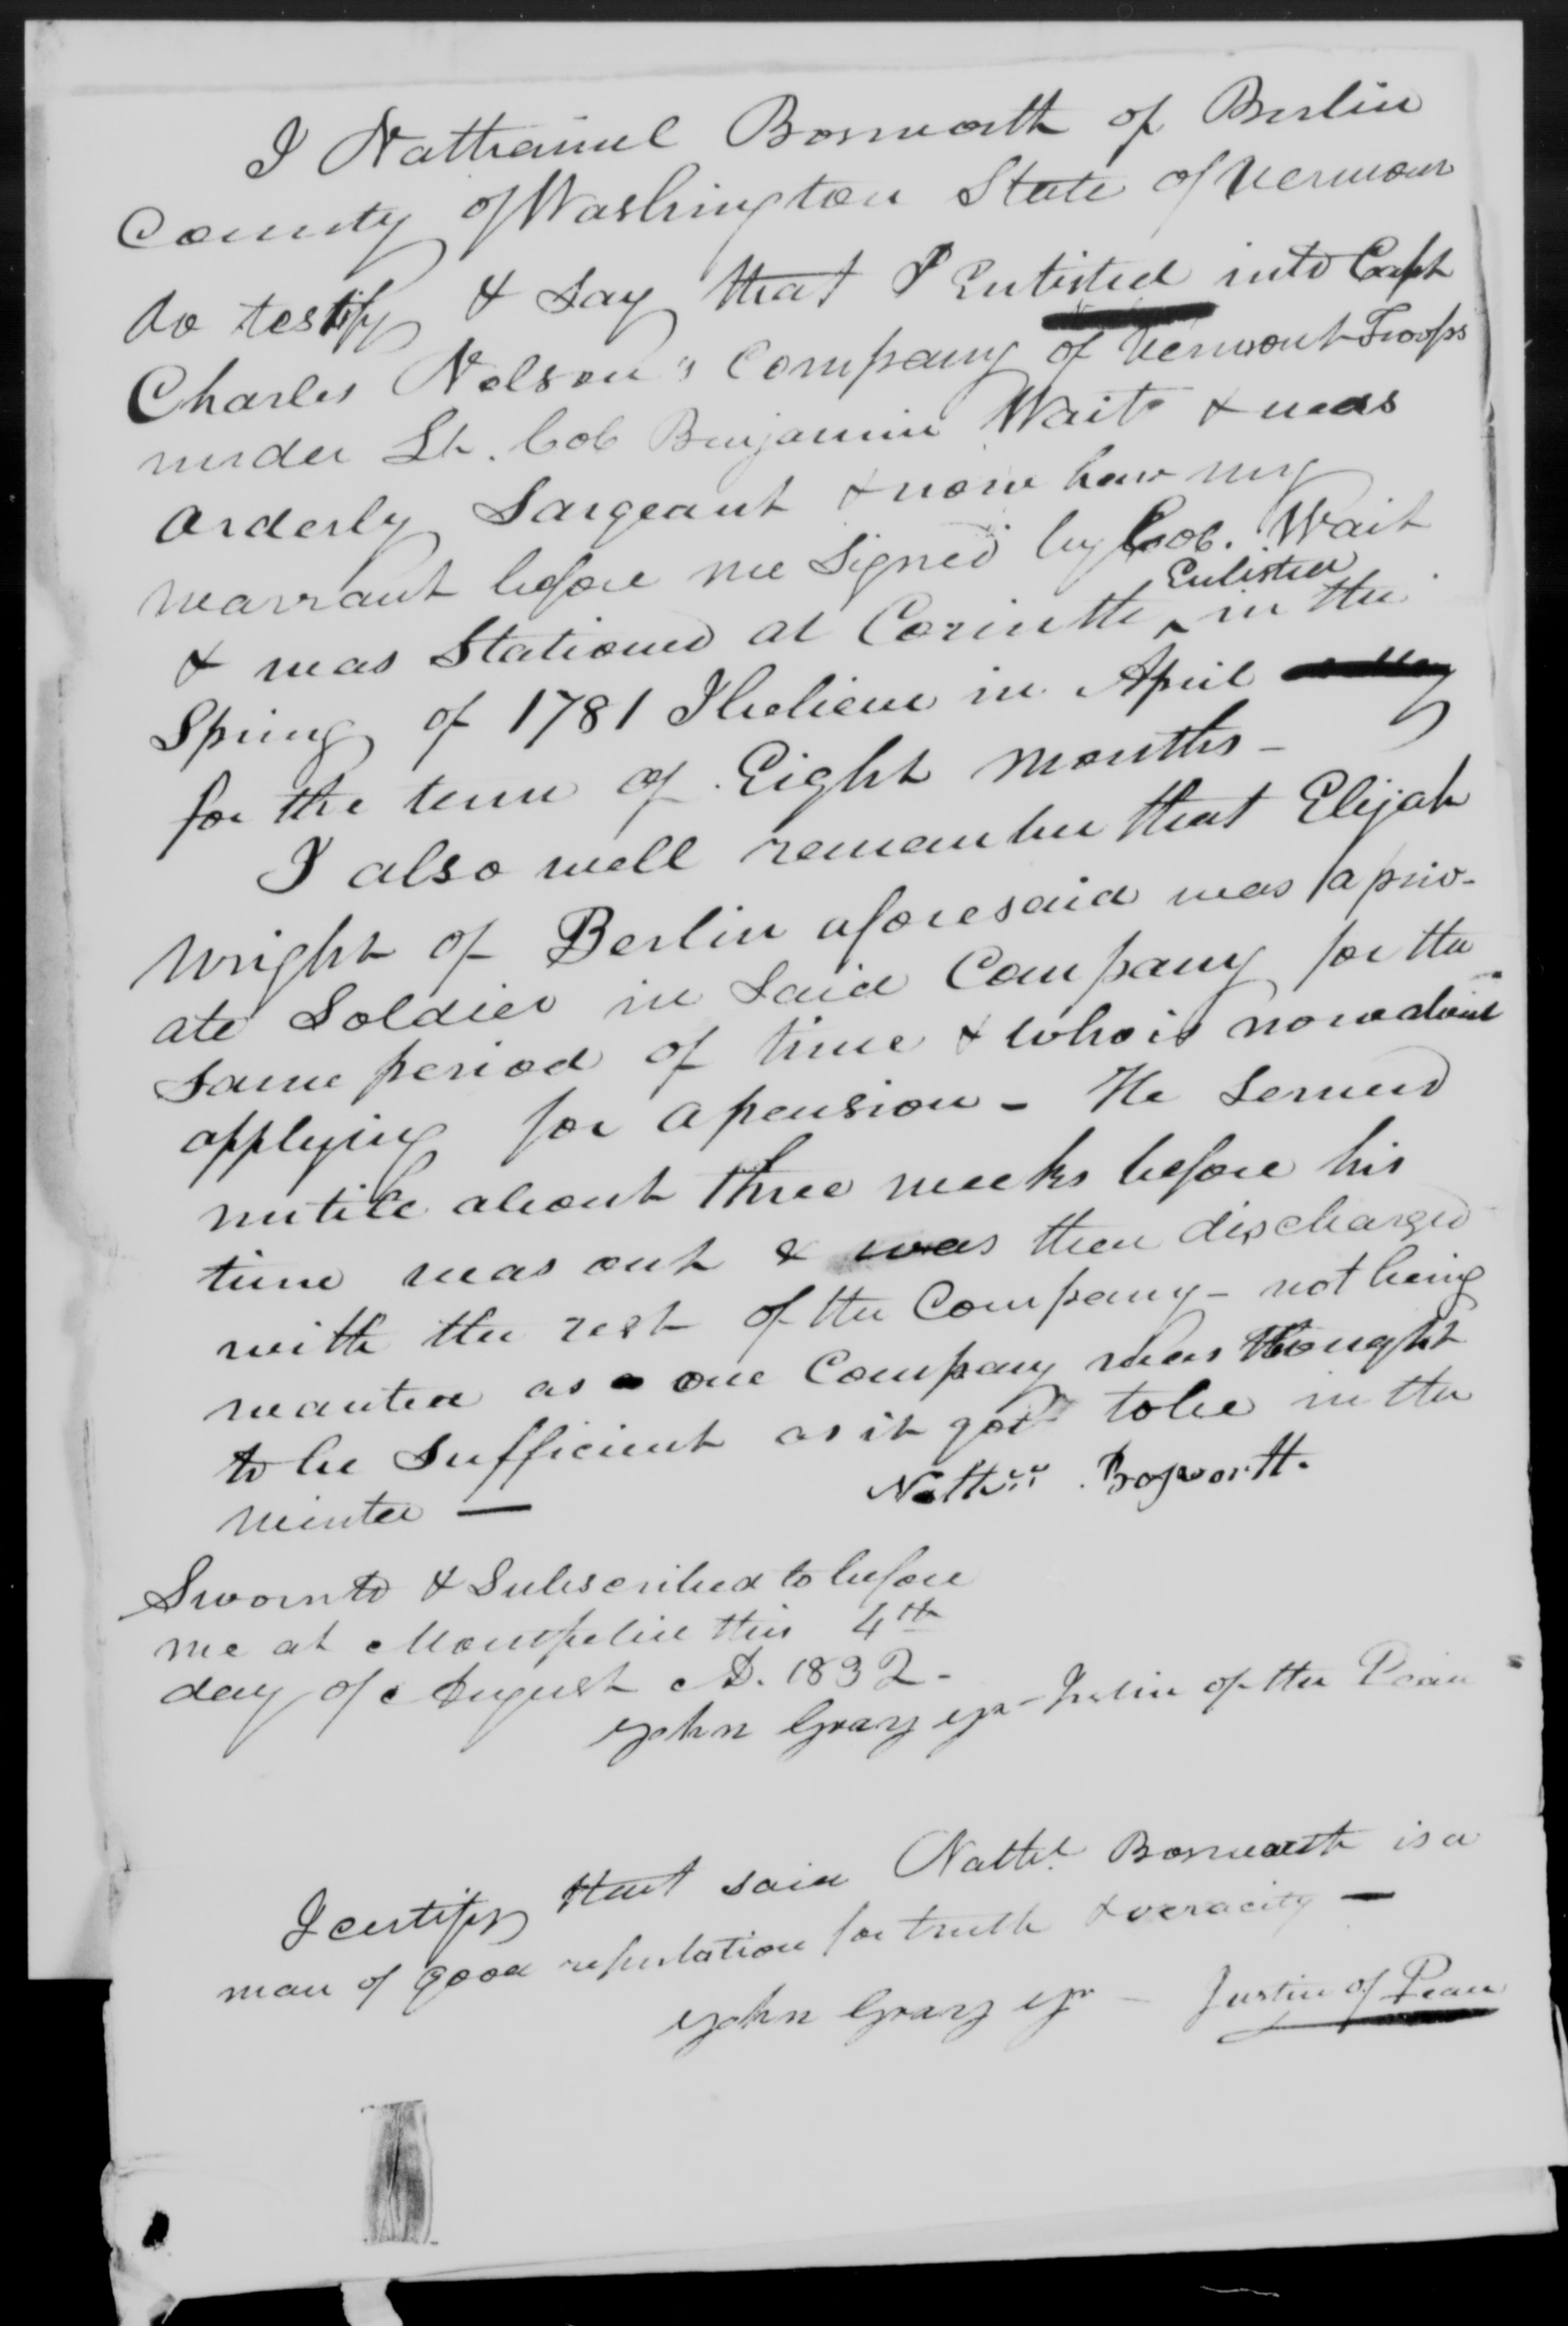I Nathanael Bosworth of Berlin County of Washington State of Vermont do testify
& say that I enlisted into Capt Charles Nelson's Company of Vermont Troops under Lt. Col Benjamin Wait & was Orderly Sargeant & now have my warrant before me Signed by Col. Wait & was stationed at Corinth enlisted in the
Spring of 1781 I believe in April for the term of Eight months--
I also well remember that Elijah Wright of Berlin aforesaid was a private Soldier in said Company for the same period of time & who is now alone applying for a pension.- He served untill about three weeks before his
time was out & was then discharged with the rest of the Company-- not being wanted as one company was thought to be sufficient as it got to be in the Winter--    Nathl. Bosworth
Sworn to & Subscribed to before me at Montpeliier this 4th day of August AD. 1832-
John Gray (?) Justice of the Peace
I certify that said Nathl. Bosworthth is a man of good reputation for truth & veracity
John Gray (?) Justice of Peace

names: Elijah Wright, Nathaniel Bosworth, Benjamin Wait, John Gray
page: 20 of 26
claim: widow's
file: W. 26,137, Elijah Wright, N.H.